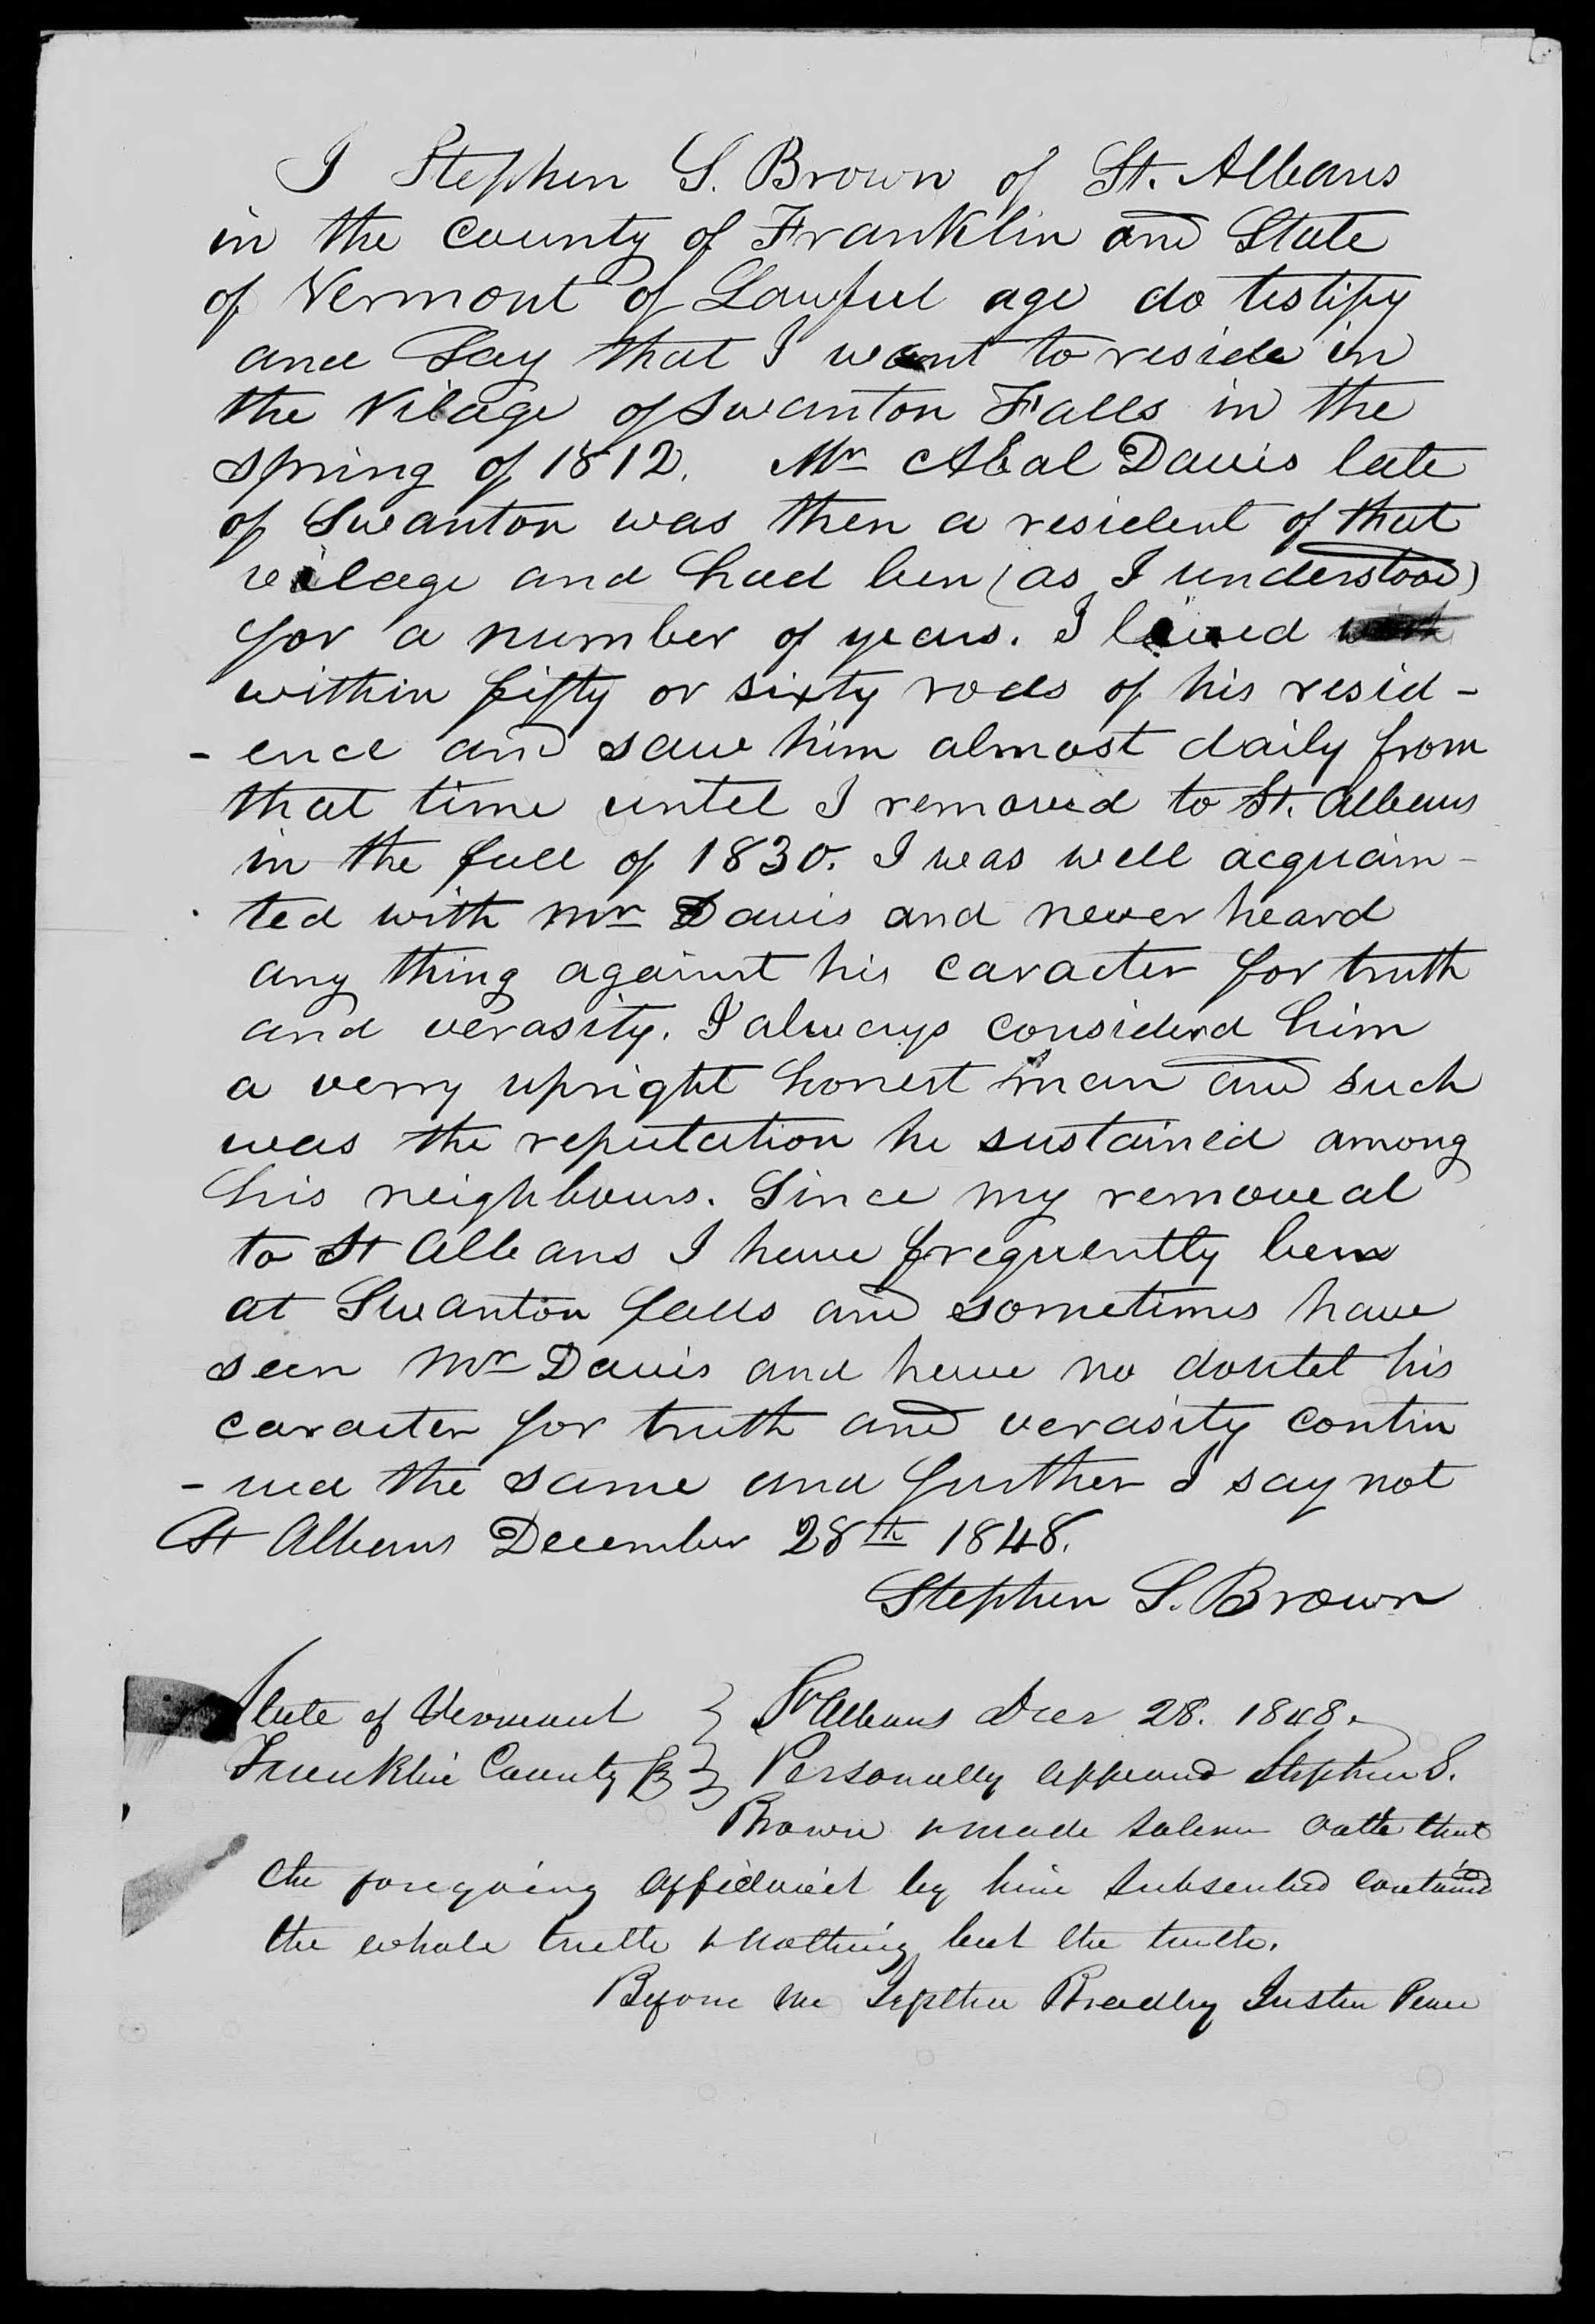I Stephen S Brown of St. Albans
in the County of Franklin and State of
Vermont of lawful age do testify
and say that I went to reside in
the Vilage of Swanton Falls in the
spring of 1812.
Mr Abel Davis late
of Swanton was then a resident of that
Vilage and had ben (as I understood)
for a number of years. I lived
within fifty or sixty rods of his residence
and saw him almost daily from
that time until I removed to St. Albans
in the fall of 1830. I was well acquainted
with Mr Davis and never heard
any thing against his caracter for truth
and verasity. I always considered him
a verry upright honest man and such
was the reputation he sustained among
his neighbours. Since my removal
to St Albans I have frequently been
at Swanton falls and sometimes have
seen Mr Davis and have no doubt his
caracter for truth and verasity continued
 the same and further I say not
St Albans December 28th 1848,
Stephen S. Brown

State of Vermont Franklin County ss
St Albans Dec’r 28. 1848  Personally appeared Stephen S. Brown & made solemn oath that the
foregoing affidavit by him subscribed contained
the whole truth & nothing but the truth,
Before me Jeptha Bradley Justice Peace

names: Stephen T Brown; Jeptha Bradley; Abal Davis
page: 50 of 99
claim: widow's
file: W. 24,482, for Richard Lattin, Vermont